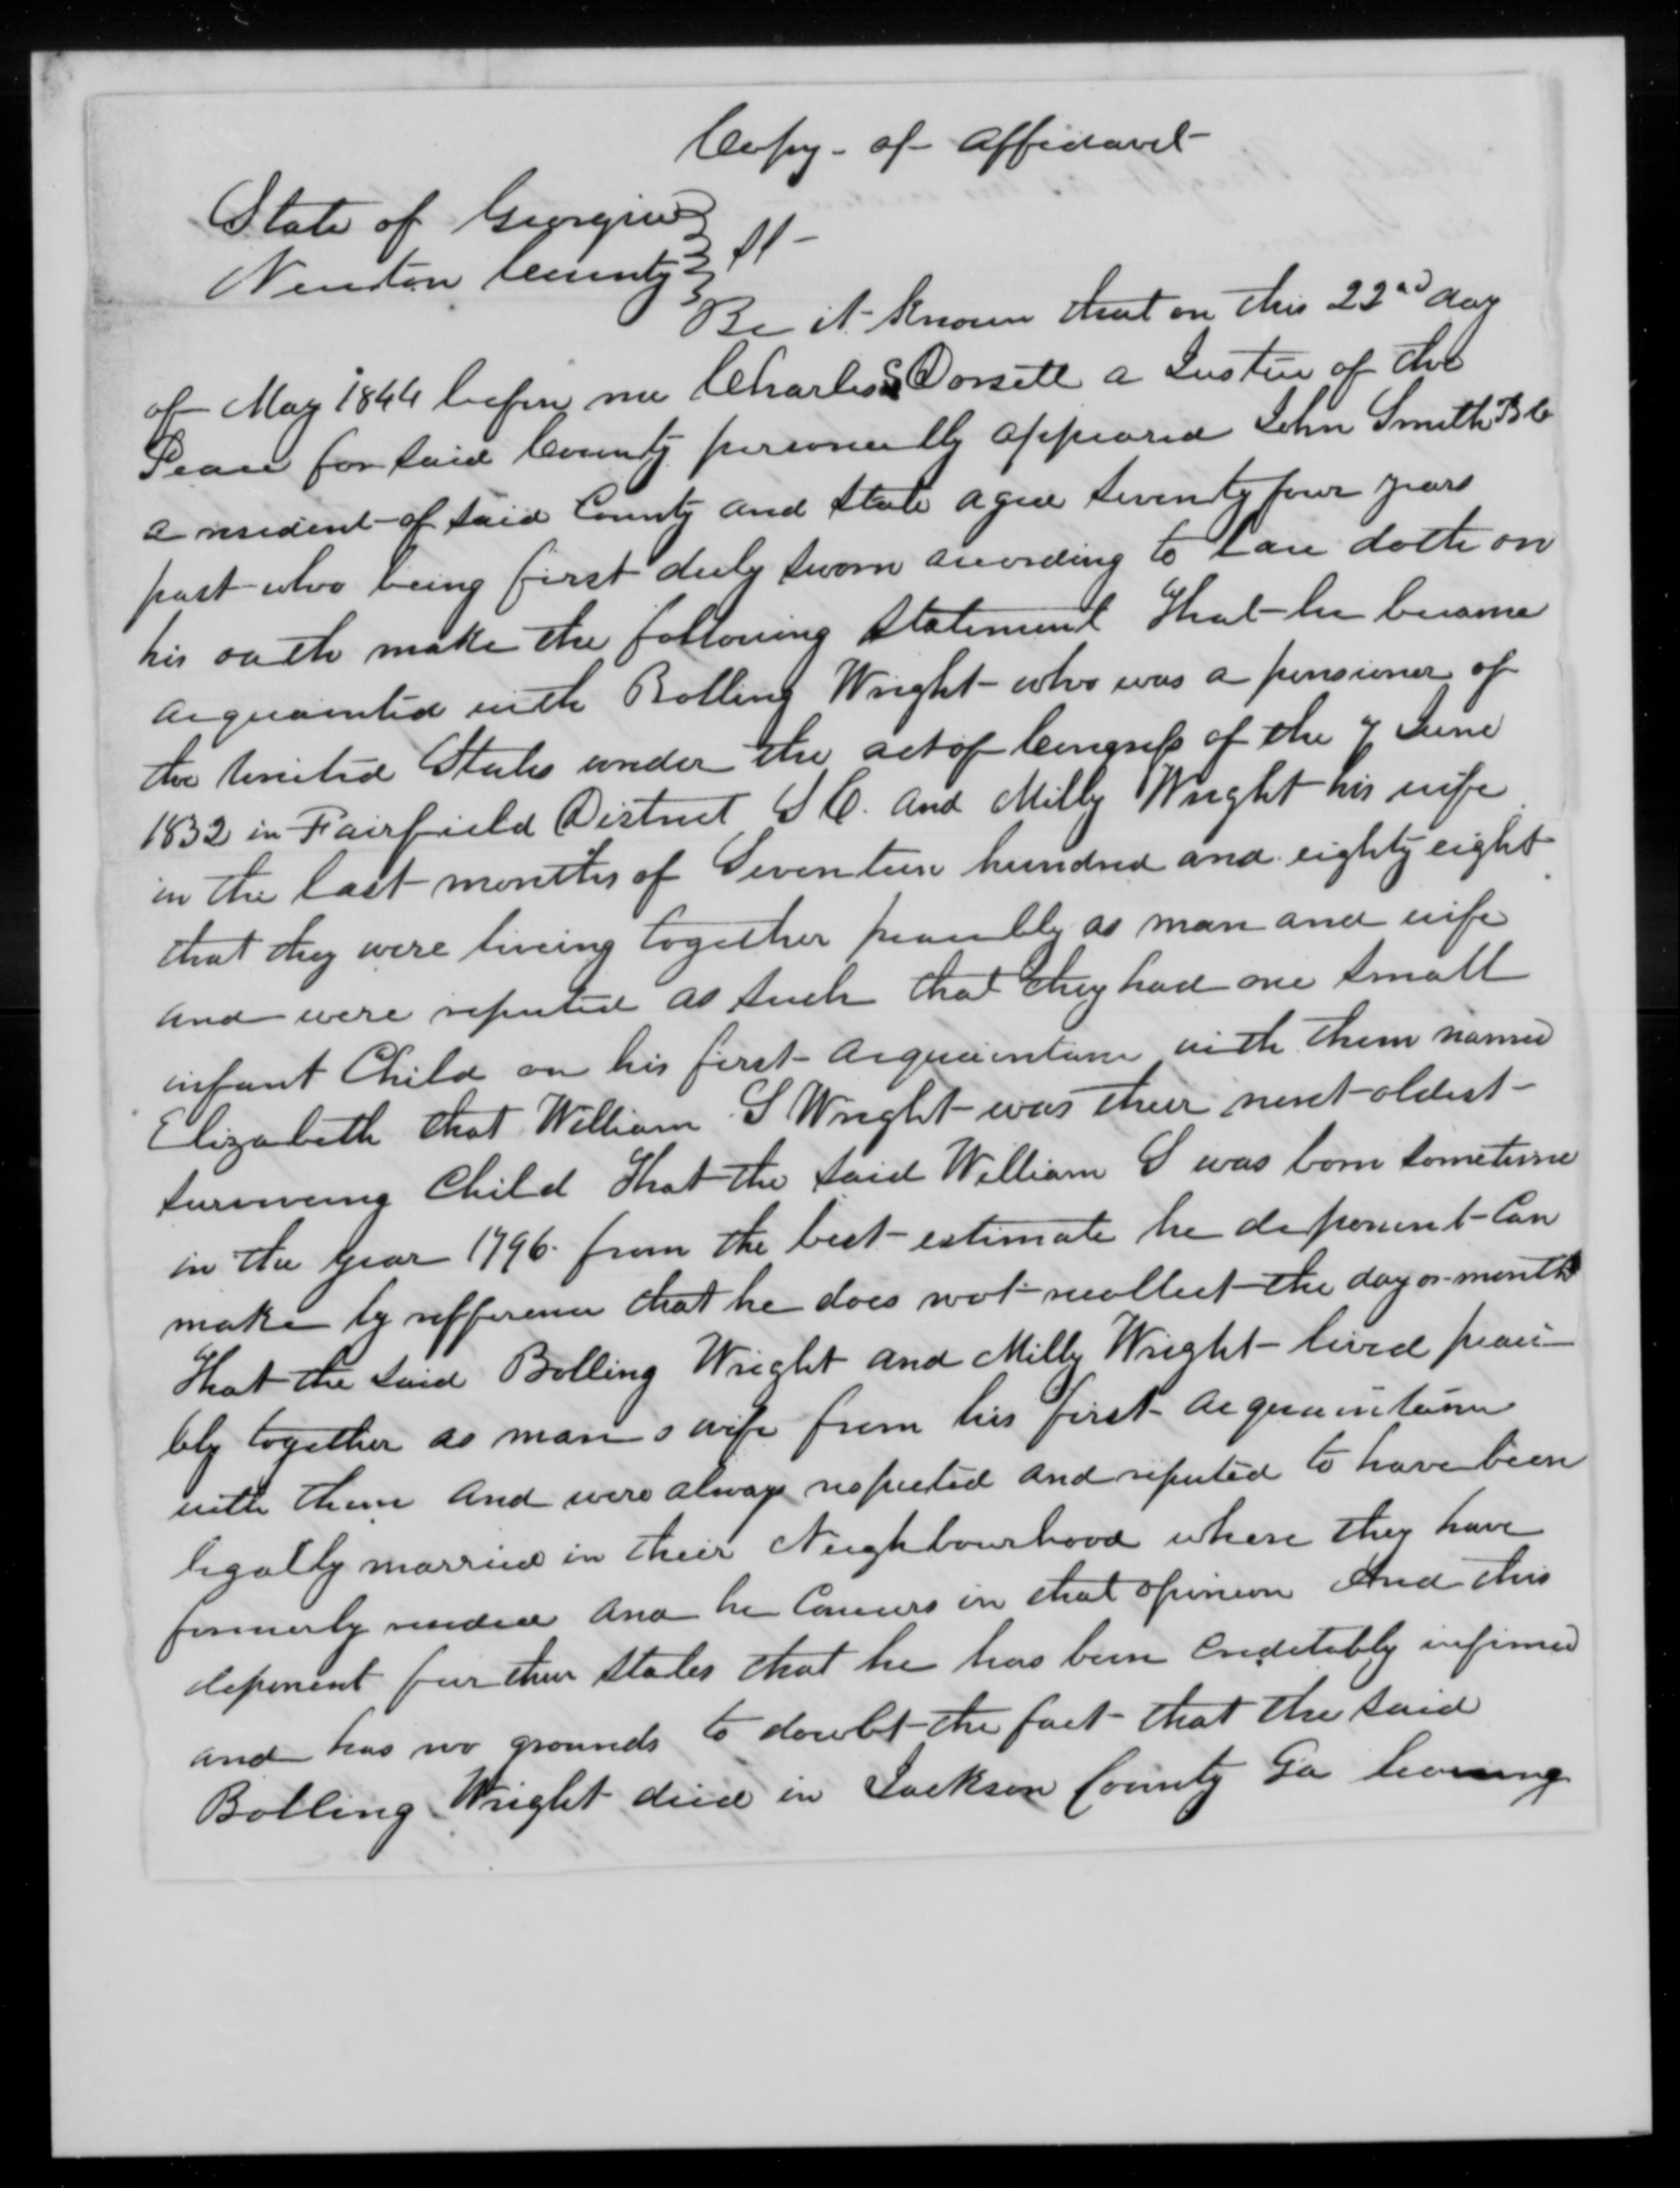Copy of Affidavit
State of Georgia
Newton County
Be it known that on this 22nd day of May 1844 before me Charles S. Dorsett a Justice of the Peace for said County personally appeared John Smith a resident of said County and State aged Seventy four years past - who being first duly sworn according to Law doth on his oath make the following statement  That he became acquainted with Bolling Wright - who was a pensioner of the United States under the act of Congress of the 7 June 1832 in Fairfield District SC and Milly Wright his wife in the last months of Seventeen hundred and eighty-eight that they were living together peacefully as man and wife and were respected as such that they had one small infant child on his first acquaintance with them named Elizabeth that Will S Wright was their next oldest surviving child that the said William S was born sometime in the year 1796 from the best estimate he [illegible] can make by reference that he does not recall the day or month That the said Bolling Wright and Milley Wright lived peaceably together as man and wife from his first acquaintance with them and were always [illegible] and expected to have been legally married in their neighborhood where they have formerly resided and he concurs in that opinion.  And this deponent further states that he has been [illegible] informed and has no grounds to doubt the fact that the said Bolling Wright died in Jackson County Ga leaving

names: Bolling Wright, William S Wright, John Smith, Milly Wright, Charles S Dorsett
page: 40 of 81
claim: widow's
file: W. 5183, Bolling Wright, Va.